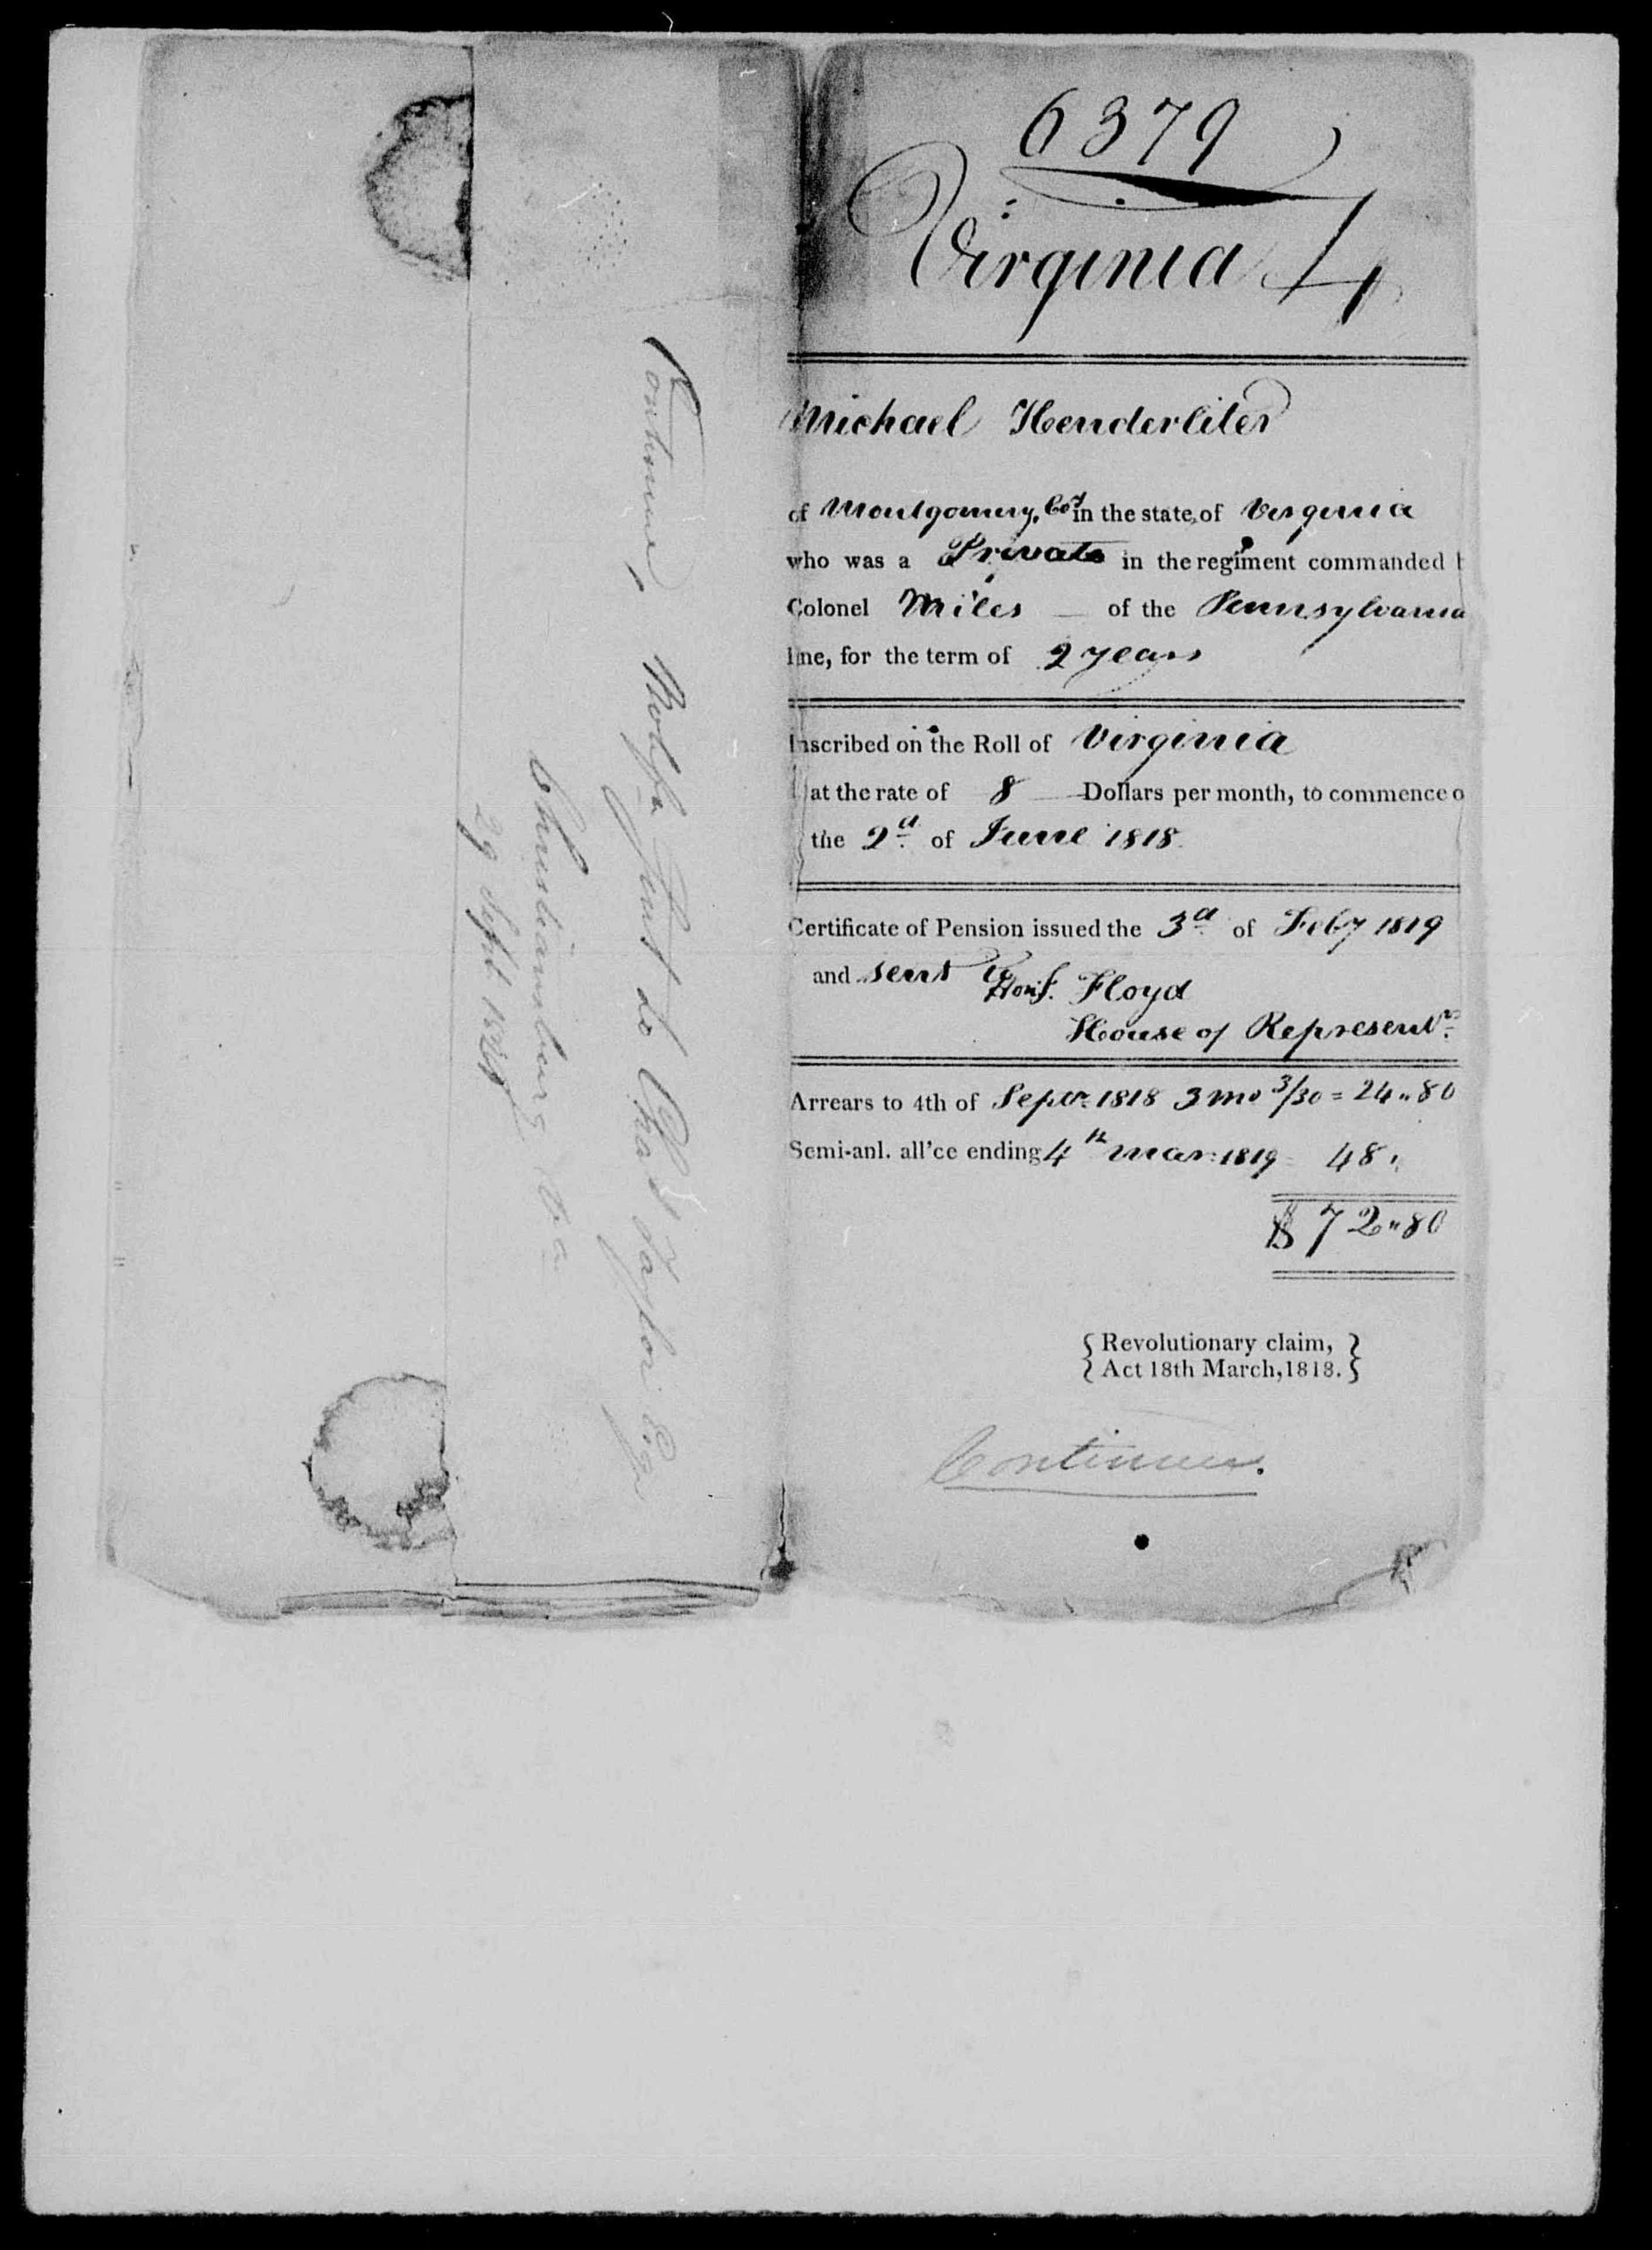(Two sided document)

right side

6379
Virginia 
============================
Michael Henderliter
of Monrgomery, Co. in the state of Virginia
who was a Private in the regiment commanded by
Colonel Miles of the Pennsylvania
line, for the term of 2 years
===============================
Transcribed on the Roll of Virginia
at the rate of 8 Dollars per month, to commence the 2nd of June 1818
===============================
Certificate of Pension issued the 3rd of Feby 1819 and sent to Hon. Floyd
House of Representatives
===============================
Arrears to 4th of September 1818 3 mo 3/30= 24" 80
Semi-anl. all'ce ending 4th Mar 1819  48.
=================================
$ 72"80
========
{Revolutionary claim, Act 18th March, 1818.}
Continues

Left side written top to botton

Continues, Notify Sent to Chas Taylor Esq.
Christianburg, Va.
29 Sept 1821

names: Michael Henderliter, F Floyd, Chas Taylor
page: 2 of 15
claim: survivor's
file: S. 38016, Michael Henderliter, Penn.